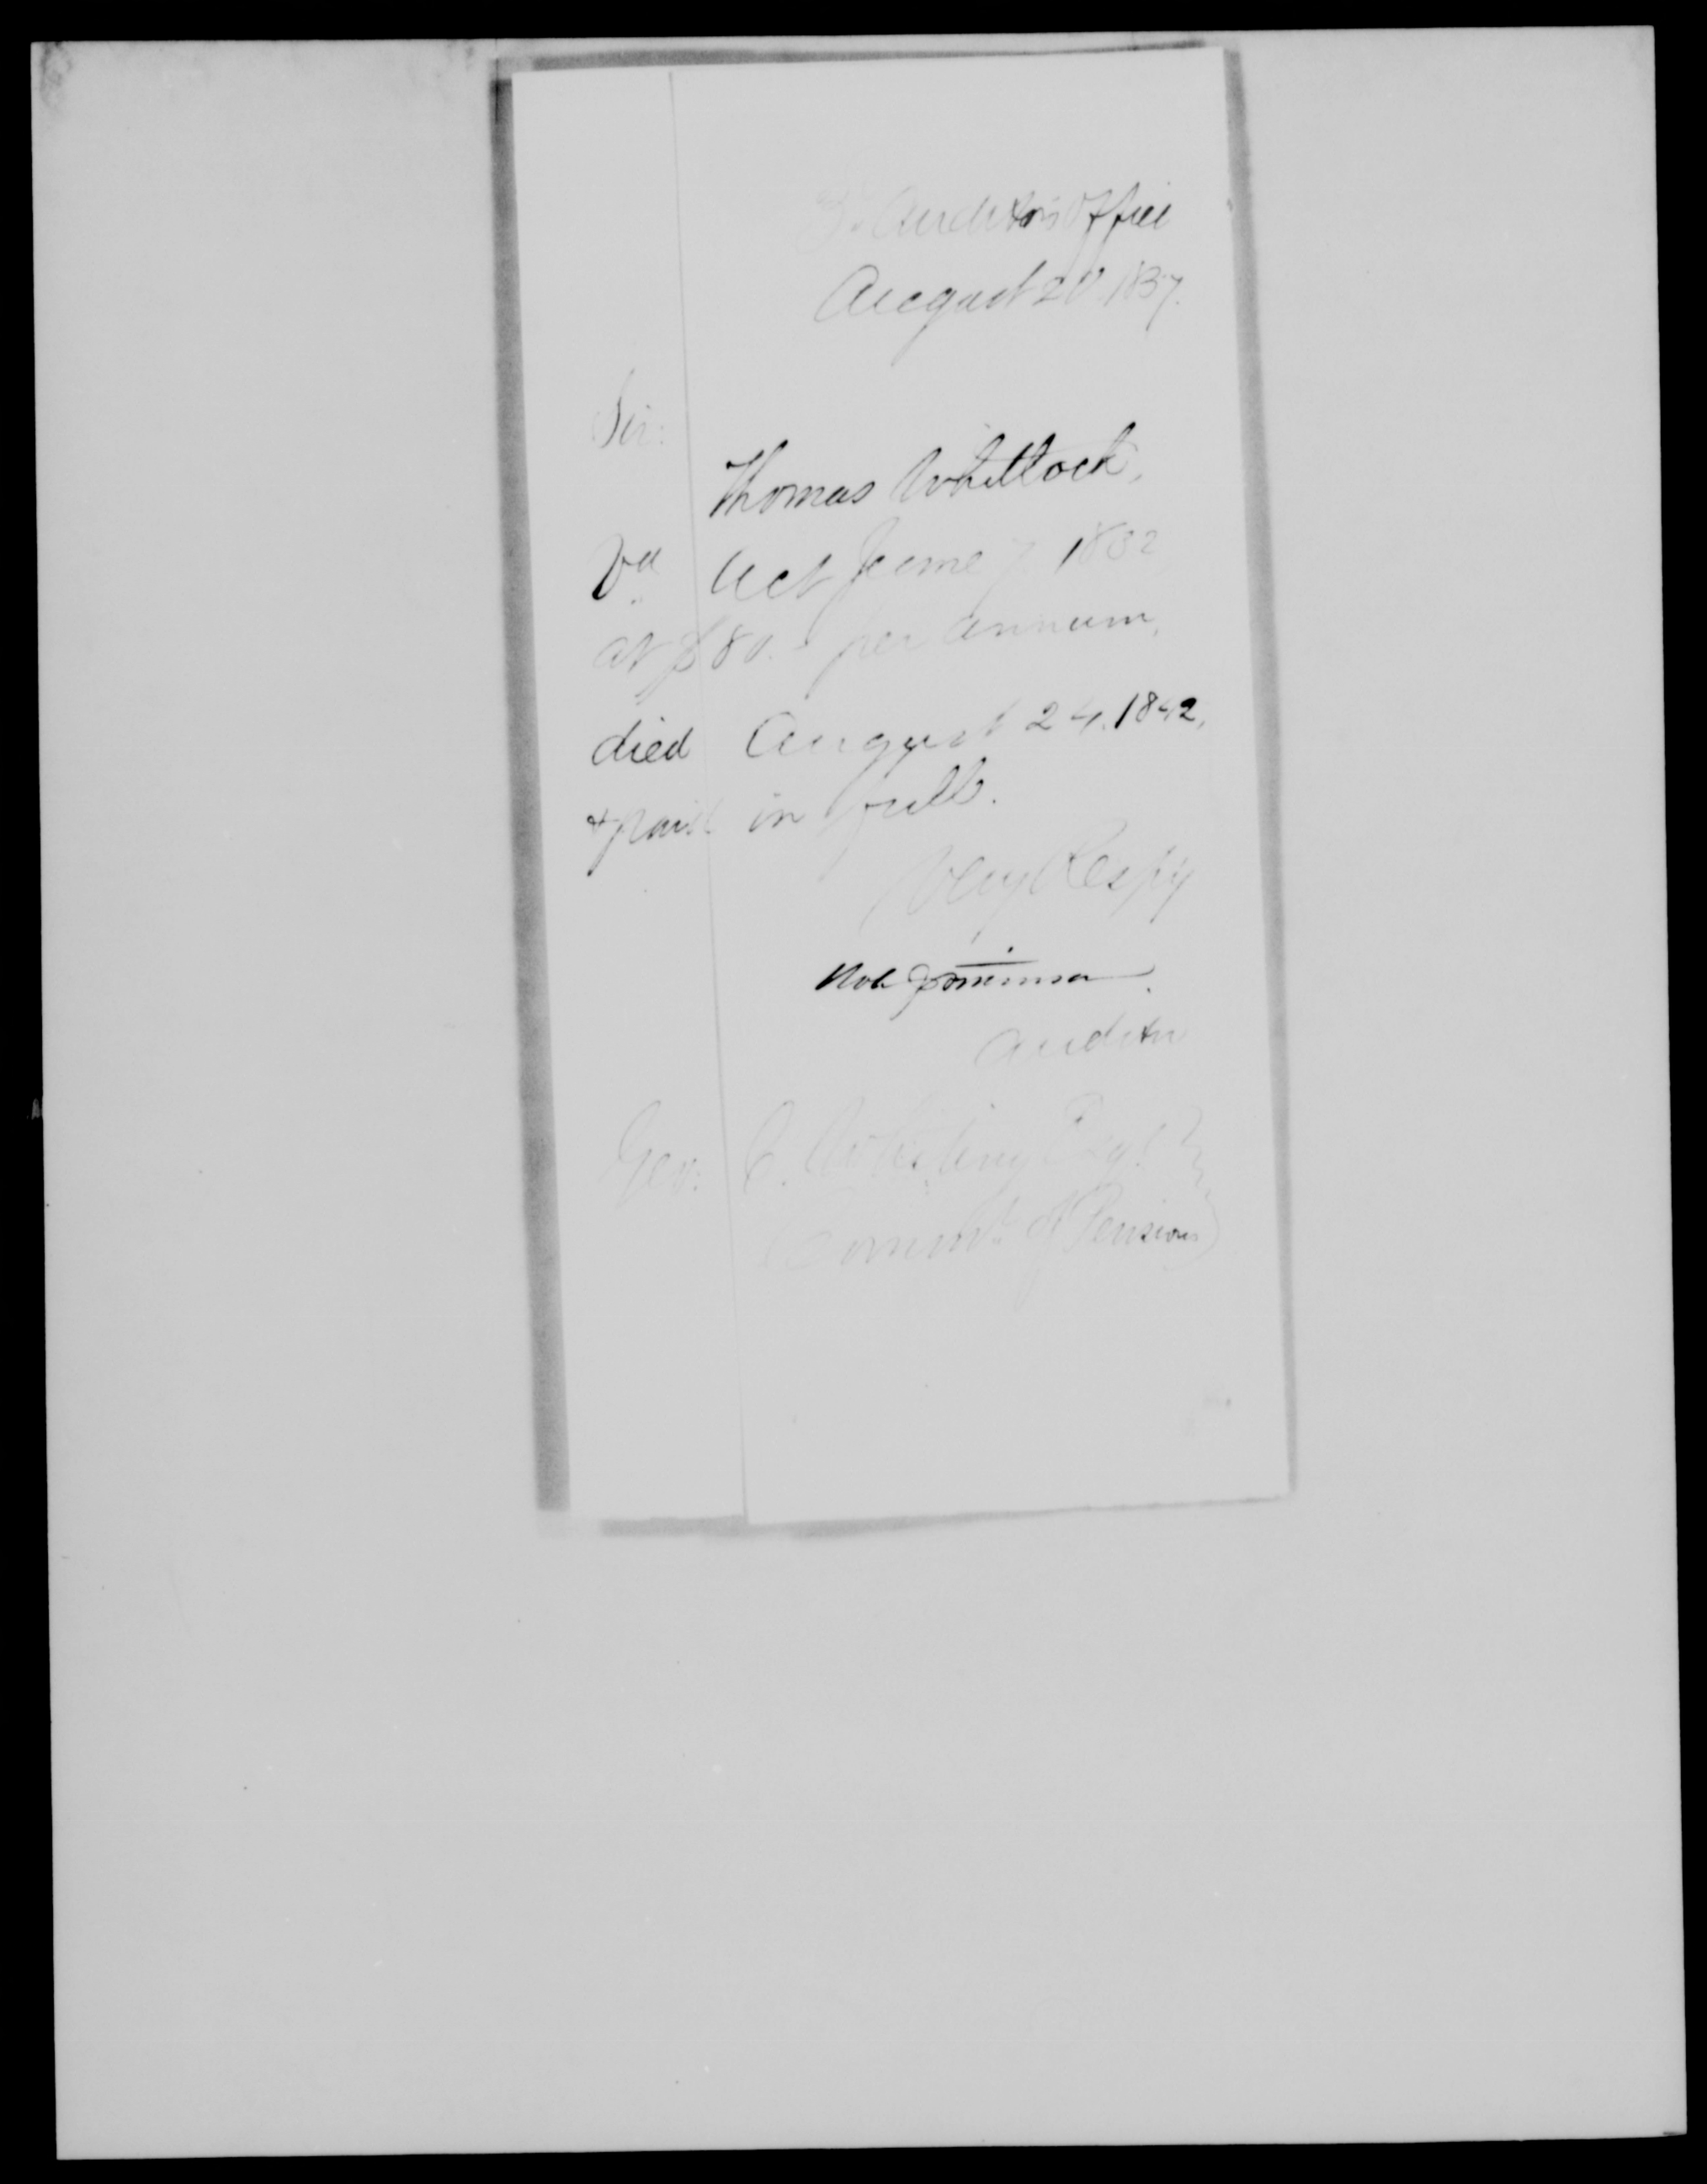3d Auditor's Office
August 20 1837

Sir
Thomas Whitlock, Va. Act June 7 1832 at $80 per annum died August 24, 1842. paid in full.
Very Respy
Rob J Atkinson
Auditor
Geo. C. Whiting Esqr
Commissioner of Pensions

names: Thomas Whitlock, Robt J Atkinson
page: 15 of 32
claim: survivor's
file: S. 16020, Thomas Whitlock, Va.